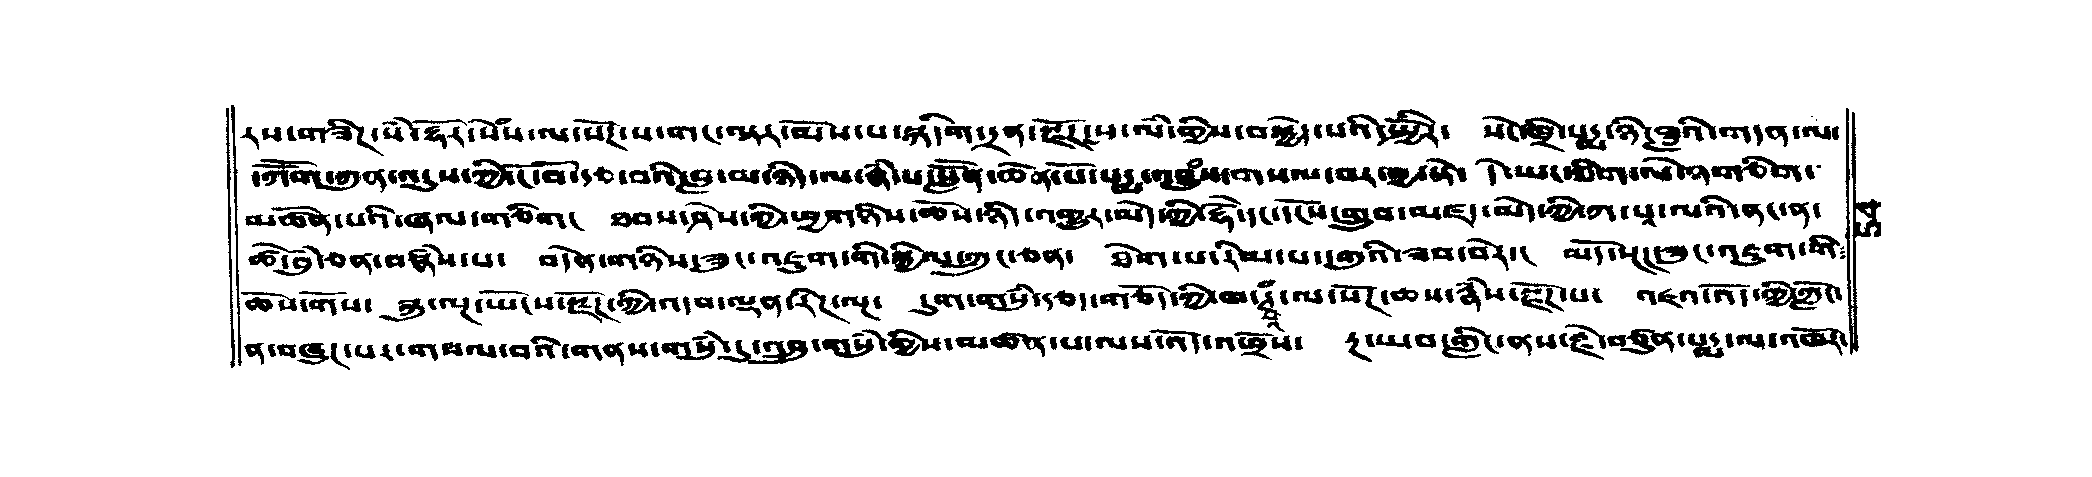རས་གཟིགས་སམ་རྡོར་སེམས་ལ་སོགས་པ་གང་ལྟར་མོས་པ་སྐད་ཅིག་དྲན་རྫོགས་སུ་ལམ་གྱིས་བསྐྱེད་པའི་སྤྱི་བོར།སེང་ཁྲི་པདྨ་ཉི་ཟླའི་གདན་ལ་
དཀོན་མཆོག་ཀུན་འདུས་ཀྱི་ངོ་བོ་རྩ་བའི་བླ་མ་ཉིད་ལ་རྣམ་པ་སློབ་དཔོན་ཆེན་པོ་པདྨ་འབྱུང་གནས་གསལ་བར་བྱ་སྟེ། དེ་ཡང་ཐིག་ལེ་ཉག་གཅིག་
མཚོན་པའི་ཞལ་གཅིག ཐབས་ཤེས་ཀྱི་ཕྱག་གཉིས་ཆོས་ཉིད་འགྱུར་མེད་ཀྱི་རྡོ་རྗེ་དང་དངོས་གྲུབ་མཛད་མེད་ཀྱི་ཀ་པཱ་ལའི་ནང་ན་
ཚེ་བུམ་ཅན་བསྣམས་པ། བདེན་གཉིས་ཟུང་འཇུག་གི་སྐྱིལ་ཀྲུང་ཅན། ཐེག་པ་རིམ་པ་དགུའི་ཟབ་བེར། མདོ་སྔགས་ཟུང་འཇུག་གི་
ཆོས་གོས། སྐུ་ལྔ་ཡོངས་རྫོགས་ཀྱི་འདབ་ལྡན་རིགས་ལྔ། དུག་གསུམ་རྩད་གཅོད་ཀྱི་ཁ་ཊྭཱཾ་ལ་སོགས་ཆས་རྣམས་རྫོགས་པ། འཇའ་འོད་ཀྱི་ཀློང་
ན་བཞུགས་པར་གསལ་བའི་གནས་གསུམ་དུ་འབྲུ་གསུམ་གྱིས་མཚན་པ་ལས་འོད་འཕྲོས། རྔ་ཡབ་གླིང་ནས་རྗེ་བཙུན་པདྨ་ལ་འཁོར་